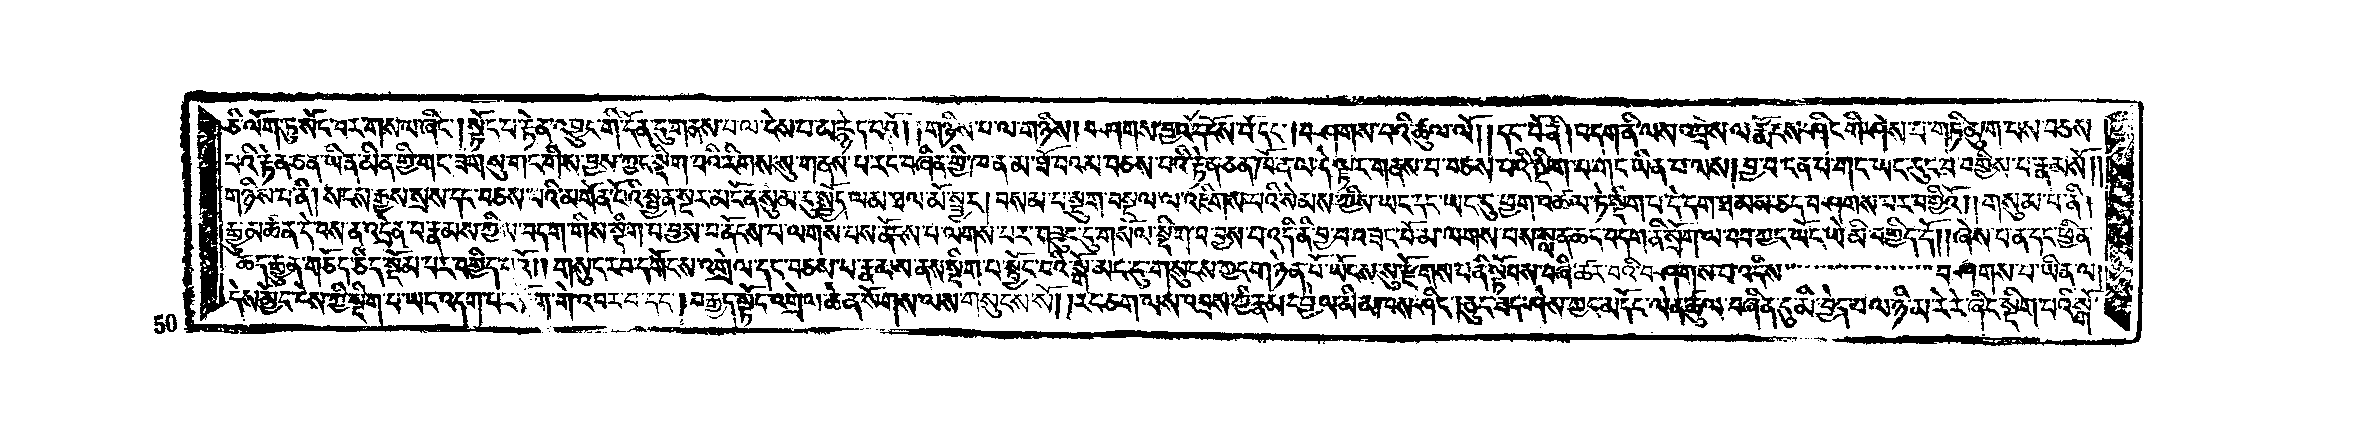ཅི་ལོག་ཏུ་སོང་བར་གསལ་ཞིང་། སྟོང་པ་རྟེན་འབྱུང་གི་དོན་དུ་གནས་པ་ལ་ངེས་པ་མ་རྙེད་པའོ། །གཉིས་པ་ལ་གཉིས། བཤགས་བྱའོ་དངོས་པོ་དང་། བཤགས་པའི་ཚུལ་ལོ། །དང་པོ་ནི། བདག་ནི་ལས་འབྲས་ལ་རྨོངས་ཤིང་གི་ཤེས་པ་གཏི་མུག་པས་བཅས་
པའི་རྟེན་ཅན་ཡིན་མིན་གྱི་གང་ཟག་སུ་གང་གིས་བྱས་ཀྱང་སྡིག་པའི་རིགས་སུ་གནས་པ་རང་བཞིན་གྱི་ཁ་ན་མ་ཐོ་བའམ་བཅས་པའི་རྟེན་ཅན་ཁོ་ན་ལ་དེ་ལྟར་གནས་པ་བཅས་པའི་སྡིག་པ་གང་ཡིན་པ་ལས། བྱ་བ་ངན་པ་གང་ཡང་རུང་བ་བགྱིས་པ་རྣམས་སོ། །
གཉིས་པ་ནི། སངས་རྒྱས་སྲས་དང་བཅས་པའི་མགོན་པོའི་སྤྱན་སྔར་མངོན་སུམ་དུ་སྤྱོད་ལམ་ཐལ་མོ་སྦྱར། བསམ་པ་སྡུག་བསྔལ་ལ་འཇིགས་པའི་སེམས་ཀྱིས་ཡང་དང་ཡང་དུ་ཕྱག་འཚལ་ཏེ་སྡིག་པ་དེ་དག་ཐམས་ཅད་བཤགས་པར་བགྱིའོ། །གསུམ་པ་ནི།
རྒྱུ་མཚན་དེ་བས་ན་འདྲེན་པ་རྣམས་ཀྱིས་བདག་གིས་སྡིག་པ་བྱས་པ་ནོངས་པ་ལགས་པས་ནོངས་པ་ལགས་པར་གཟུང་དུ་གསོལ་སྡིག་པ་བྱས་པ་འདི་ནི་བྱ་བ་བཟང་པོ་མ་ལགས་པས་སླན་ཆད་བདག་ནི་སྲོག་ལ་བབ་ཀྱང་ཡོད་ཡེ་མི་བགྱིད་དོ། །ཞེས་པ་ན་དང་ཕྱིན་
ཆད་རྒྱུན་གཅོད་ཅིང་སྡོམ་པར་བགྱིད་པའོ། །གསུམ་རབ་དགོངས་འགྲེལ་དང་བཅས་པ་རྣམས་ནས་སྡིག་པ་སྦྱོང་བའི་སྒོ་མང་དུ་གསུངས་ཀྱང་གཉེན་པོ་ཡོངས་སུ་རྫོགས་པ་ནི་སྟོས་བཞི་ཚར་བའི་བཤགས་པ་འདིས་བཤགས་པ་ཡིན་ལ་
དེས་མྱོང་ངེས་ཀྱི་སྡིག་པ་ཡང་འདག་པར་རྟོག་གེ་འབར་བ་དང་། བརྒྱད་སྟོང་འགྲེལ་ཆེན་སོགས་ལས་གསུངས་སོ། །རང་ཅག་ལས་འབྲས་ཀྱིར་ནམ་དབྱེ་ལ་མི་མཁས་ཤིང་། ཅུང་ཟད་ཤེས་ཀྱང་མདོར་ལེན་ཚུལ་བཞིན་དུ་མི་བྱེད་པ་ལ་ཉི་མ་རེ་རེ་ཞིང་སྡིག་པའི་སྒོ་